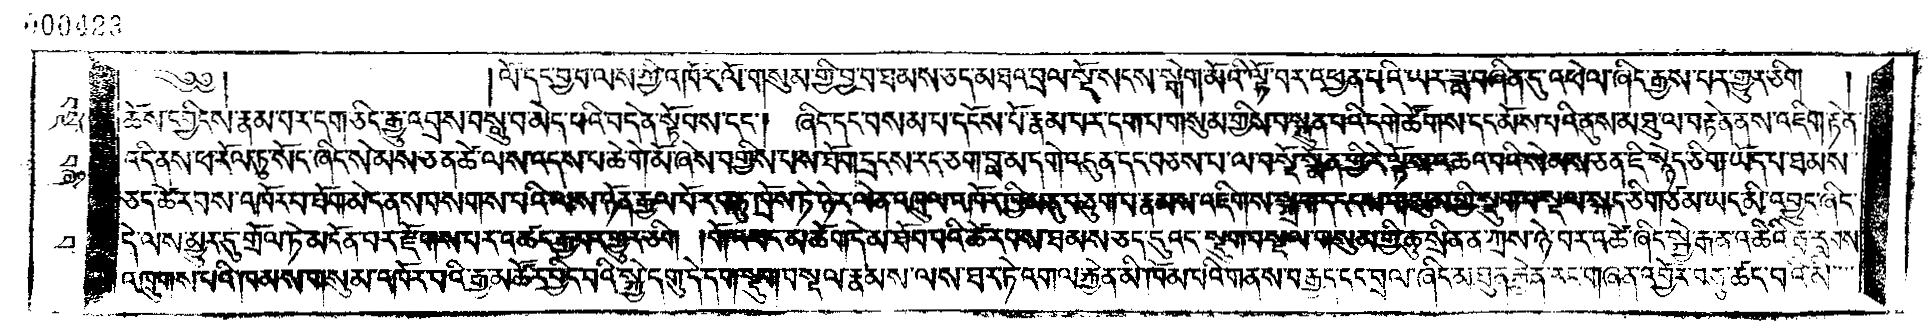༄༅། །ལོ་དང་བྱ་བ་ལས་ཀྱི་འཁོར་ལོ་གསུམ་གྱི་བྱ་བ་ཐམས་ཅད་མཐའ་བྲལ་སྡོ་སངས་སྒེག་མོའི་ལྟོ་བར་འཕྱན་པའི་ཡར་ཟླ་བཞིན་དུ་འཕེལ་ཞིང་རྒྱས་པར་གྱུར་ཅིག །
ཆོས་དབྱིངས་རྣམ་པར་དག་ཅིང་རྒྱུ་འབྲས་བསླུ་བ་མེད་པའི་བདེན་སྟོབས་དང་། ཞིང་དང་བསམ་པ་དངོས་པོ་རྣམ་པར་དག་པ་གསུམ་གྱིས་བསྐྲུན་པའི་དགེ་ཚོགས་དང་མོས་པའི་ནུས་མཐུ་ལ་བརྟེན་ནས་འཇིག་རྟེན་
འདི་ནས་ཕ་རོལ་ཏུ་སོང་ཞིང་སེམས་ཅན་ཚེ་ལས་འདས་པ་ཆེ་གེ་མོ་ཞེས་བགྱིས་པས་ཐོག་དྲངས་རང་ཅག་བླ་མ་དགེ་འདུན་དང་བཅས་པ་ལ་བསྔོ་སྨོན་གྱི་རེ་ལྟོས་འཆའ་བའི་སེམས་ཅན་ཇི་སྙེད་ཅིག་ཡོད་པ་ཐམས་
ཅད་ཚེ་རབས་འཁོར་བ་ཐོག་མེད་ནས་བསགས་པའི་ལས་ཉོན་རྒྱལ་པོ་རབ་ཏུ་ཁྲོས་ཏེ་ཉེར་ལེན་འཁྲུལ་འཁོར་ཁྱིམ་དུ་བཅུག་པ་རྣམས་འཇིགས་སྐྲག་དངངས་གསུམ་གྱི་སྡུག་བསྔལ་སྐད་ཅིག་ཙམ་ཡང་མི་འབྱུང་ཞིང་
དེ་ལས་མྱུར་དུ་གྲོལ་ཏེ་མངོན་པར་རྫོགས་པར་འཚང་རྒྱ་བར་གྱུར་ཅིག །གོ་འཕང་མཆོག་དེ་མ་ཐོབ་པའི་ཚེ་རབས་ཐམས་ཅད་དུའང་སྡུག་བསྔལ་གསུམ་གྱི་ཆུ་སྲིན་ན་ཀྲས་ཉེ་བར་འཚེ་ཞིང་སྐྱེ་རྒ་ན་འཆིའི་རྦ་རླབས་
འཁྲུགས་པའི་ཁམས་གསུམ་འཁོར་བའི་རྒྱ་མཚོར་བྱིང་བའི་སྐྱེ་དགུ་དེ་དག་སྡུག་བསྔལ་རྣམས་ལས་ཐར་ཏེ་འགལ་རྐྱེན་མི་ཁོམ་པའི་གནས་བརྒྱད་དང་བྲལ་ཞིང་མཐུན་རྐྱེན་རང་གཞན་འབྱོར་བཅུ་ཚང་བའི་མི་